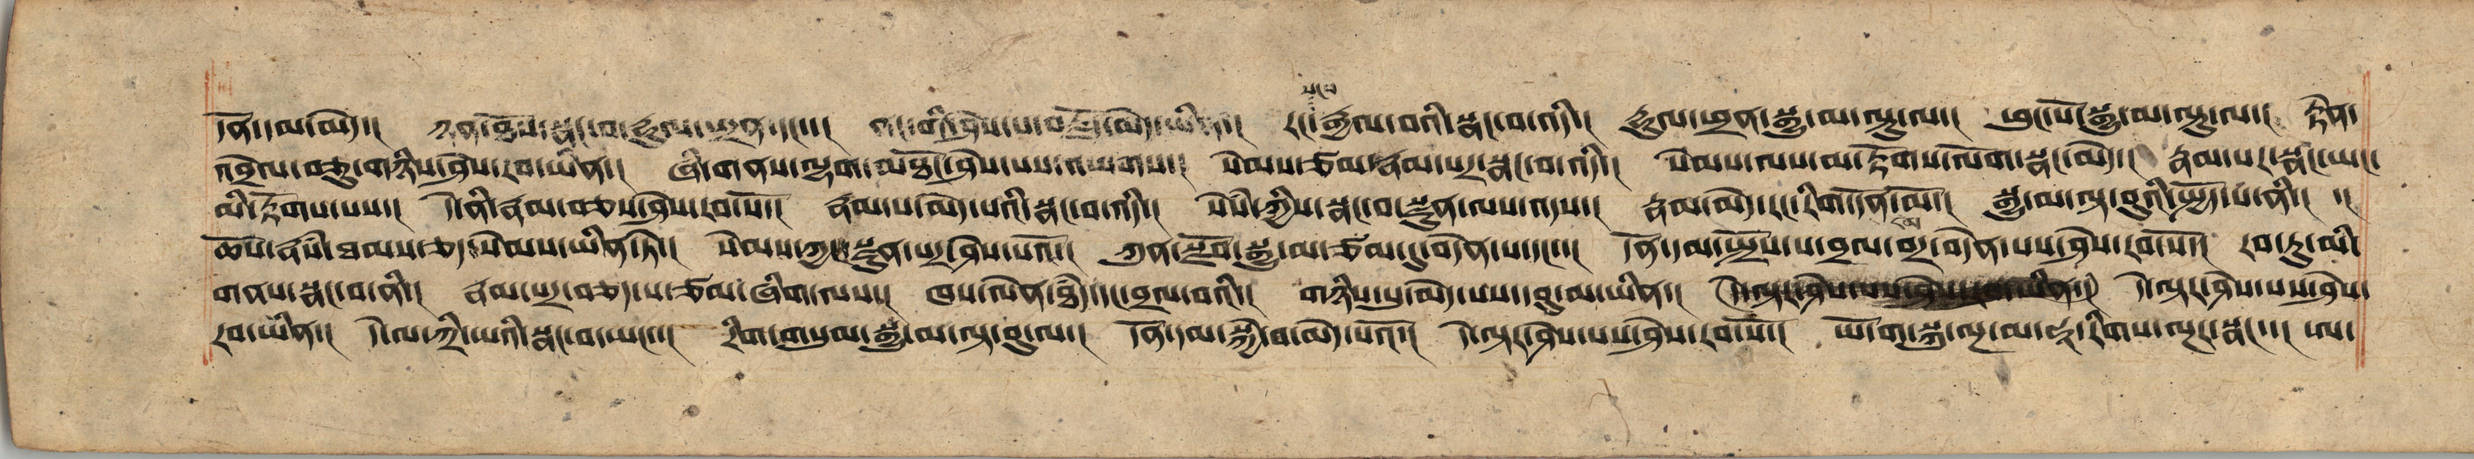དོན་དམ་མེད་། ཉན་ཐོས་སྣང་བ་རྡུལ་ཕྲན་དང་་། ནང་གི་ཤེས་པ་བརྗོད་མེད་ཡིན་། རང་རྒྱལ་བའི་སྣང་བ་འདི་། རྡུལ་ཕྲན་སྒྱུ་མ་ལྟུ་ལ་། ཕུང་པོ་སྒྱུ་མ་ལྟུ་ལ་། རྟེན་
འབྲེལ་བཅུ་གཉིས་ཤེས་རབ་ཡིན་། ཞི་གནས་ལྷག་མཐོང་ཤེས་པས་འཕགས་། སེམས་ཙམ་རྣམ་པར་སྣང་བ་འདི་། སེམས་ལས་མ་རྟོགས་ལོག་སྣང་མེད་། རྣམ་པར་སྣང་ཡང་
མི་རྟོགས་པས་། དེ་ནི་རྣམ་བཅས་ཤེས་རབ་སོ་། རྣམ་པ་མེད་པའི་སྣང་བ་འདི་། སེཾས་ཀྱིས་སྣང་བ་སྫུན་ལས་འདས་། རྣམ་མེད་རང་རིག་དོན་དམ་མོ་། སྒྱུ་མ་ལྟ་བུའི་སྤྱོད་པ་ནི་། ་།
ཆོས་རྣཾས་ཐམས་ཅད་སེམས་ཡིན་ཏེ་། སེམས་ཀྱང་སྫུན་པར་ཤེས་པའོ་། ཀུན་སྫོབ་སྒྱུ་མ་ཙམ་དུ་བདེན་པ་དང་་། དོན་དམ་སྤྲོས་པ་བྲལ་བར་བདེན་པས་ཤེས་རབ་སོ་། རབ་ཏུ་མི་
གནས་སྣང་བ་ནི་། རྣམ་པར་བཅད་པ་ཙམ་ཞིག་ལས་། ཁས་ལེན་ཐཾད་དང་བྲལ་བའི་། གཉིས་སུ་མེད་པས་དབུ་མ་ཡིན་། དེ་ལྟར་ཤེས་པས་ཤེས་
རབ་ཡིན་། དེ་ལ་ཀྲི་ཡའི་སྣང་བ་ཡང་་། རིག་གསུམ་སྒྱུ་མ་ལྟ་བུ་ལ་། དོན་དམ་སྐྱེ་བ་མེད་པའོ་། དེ་ལྟར་ཤེས་པས་ཤེས་རབ་སོ་། ཡོ་ག་སྐུ་ལྔ་མ་ཧཱ་རིགས་ལྔར་སྣང་་། ཨ་